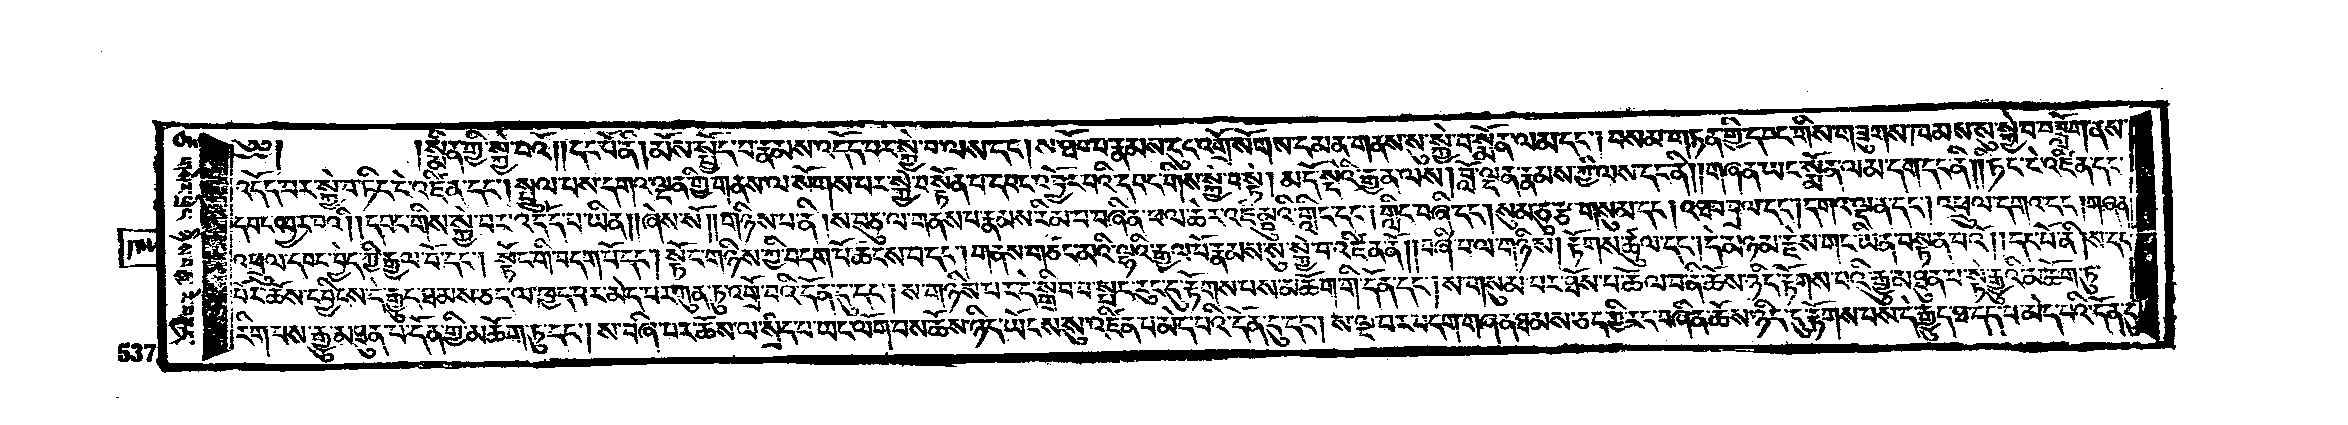༄༅། །སྨིན་གྱི་སྐྱེ་བའོ། །དང་པོ་ནི། མོས་སྤྱོད་པ་རྣམས་འདོད་པར་སྐྱེ་བ་ལས་དང་། ས་ཐོབ་པ་རྣམས་དུད་འགྲོ་སོགས་དམན་གནས་སུ་སྐྱེ་བ་སྨོན་ལམ་དང་། བསམ་གཏན་གྱི་དབང་གིས་གཟུགས་ཁམས་སུ་སྐྱེ་བ་བཟློག་ནས་
འདོད་པར་སྐྱེ་བ་ཏིང་ངེ་འཛིན་དང་། སྤྲུལ་པས་དགའ་ལྡན་གྱི་གནས་ལ་སོགས་པར་སྐྱེ་བ་སྟོན་པ་དབང་འབྱོར་བའི་དབང་གིས་སྐྱེ་བ་སྟེ། མདོ་སྡེའི་རྒྱན་ལས། བློ་ལྡན་རྣམས་ཀྱི་ལས་དང་ནི། །གཞན་ཡང་སྨོན་ལམ་དག་དང་ནི། །ཏིང་ངེ་འཛིན་དང་
དབང་འབྱོར་བའི། །དབང་གིས་སྐྱེ་བར་འདོད་པ་ཡིན། །ཞེས་སོ། །གཉིས་པ་ནི། ས་བཅུ་ལ་གནས་པ་རྣམས་རིམ་པ་བཞིན་ཕལ་ཆེར་འཛམ་བུའི་གླིང་དང་། གླིང་བཞི་དང་། སུམ་ཅུ་རྩ་གསུམ་དང་། འཐབ་བྲལ་དང་། དགའ་ལྡན་དང་། འཕྲུལ་དགའ་དང་། གཞན་
འཕྲུལ་དབང་བྱེད་ཀྱི་རྒྱལ་བོ་དང་། སྟོང་གི་བདག་པོ་དང་། སྟོང་གཉིས་ཀྱི་བདག་པོ་ཚངས་པ་དང་། གནས་གཙང་མའི་ལྷའི་རྒྱལ་པོ་རྣམས་སུ་སྐྱེ་བ་འཛིན་ནོ། །བཞི་པ་ལ་གཉིས། རྟོགས་ཚུལ་དང་། དེ་མཉམ་རྗེས་གང་ཡིན་བསྟན་པའོ། །དང་པོ་ནི། ས་དང་
པོར་ཆོས་དབྱིངས་དེ་རྒྱུད་ཐམས་ཅད་ལ་ཁྱད་པར་མེད་པར་ཀུན་ཏུ་འགྲོ་བའི་དོན་དུ་དང་། ས་གཉིས་པར་དེ་སྒྲིབ་པ་སྤང་རུང་དུ་རྟོགས་པས་མཆོག་གི་དོན་དང་། ས་གསུམ་པར་ཐོས་པ་ཚོལ་བ་ནི་ཆོས་ཉིད་རྟོགས་པའི་རྒྱུ་མཐུན་པ་སྟེ་རྒྱུའི་མཆོག་ཏུ་
རིག་པས་རྒྱུ་མཐུན་པ་དོན་གྱི་མཆོག་ཏུ་དང་། ས་བཞི་པར་ཆོས་ལ་སྲེད་པ་ཡང་ལོག་པས་ཆོས་ཉིད་ཡོངས་སུ་འཛིན་པ་མེད་པའི་དོན་དུ་དང་། ས་ལྔ་པར་བདག་གཞན་ཐམས་ཅད་ཀྱི་རང་བཞིན་ཆོས་ཉིད་དུ་རྟོགས་པས་དེ་རྒྱུད་ཐ་དད་པ་མེད་པའི་དོན་དུ་